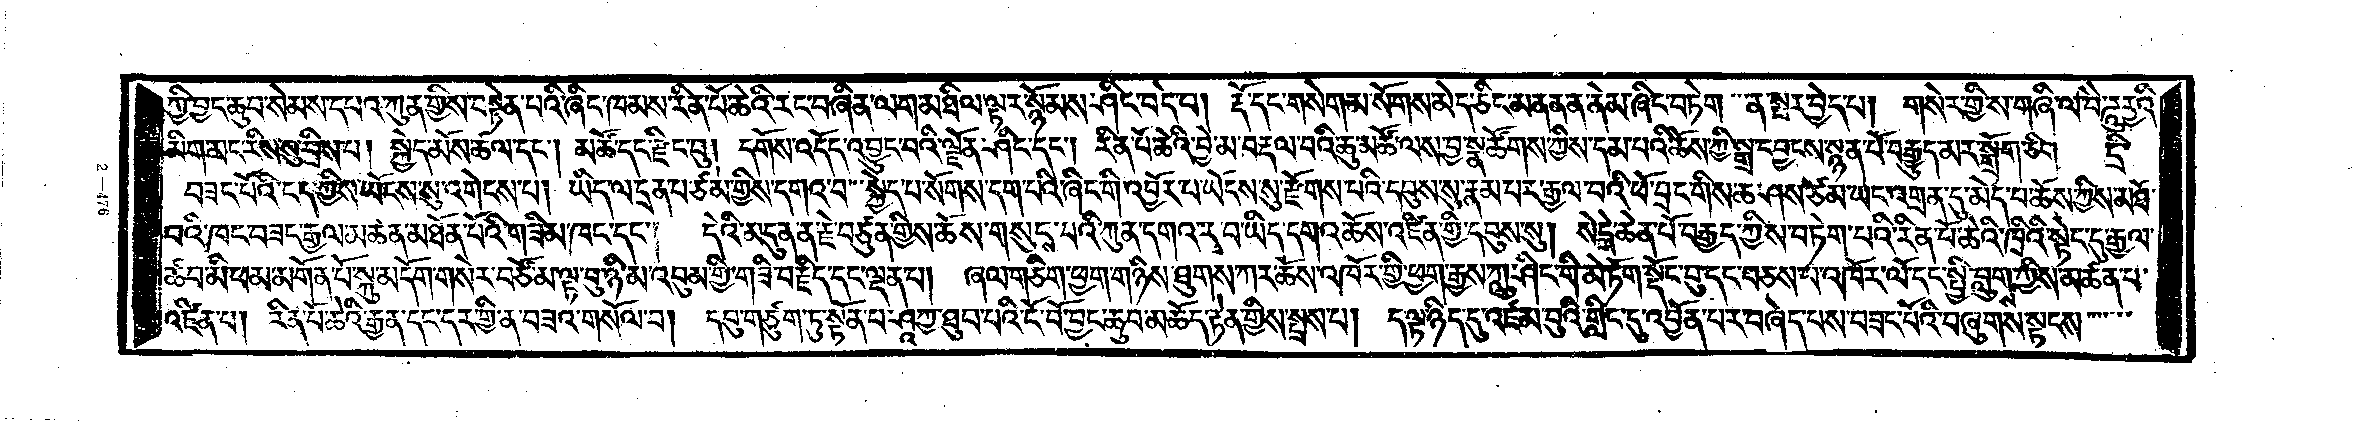ཀྱི་བྱང་ཆུབ་སེམས་དཔའ་ཀུན་གྱིས་བསྟེན་པའི་ཞིང་ཁམས་རིན་པོ་ཆེའི་རང་བཞིན་ལག་མཐིལ་ལྟར་སྙོམས་ཤིང་བདེ་བ། རྡོ་དང་གསེག་མ་སོགས་མེད་ཅིང་མནན་ན་ནེ་མ་ཞིང་བཏེག་ན་སྦར་བྱེད་པ། གསེར་གྱི་ས་གཞི་ལ་བཻཌཱུརྱའི་
མིག་མང་རིས་སུ་བྲིས་པ། སྐྱེད་མོས་ཚལ་དང་། མཚོ་དང་རྫིང་བུ། དགོས་འདོད་འབྱུང་བའི་ལྗོན་ཤིང་དང་། རིན་པོ་ཆེའི་བྱེ་མ་བརྡལ་བའི་ཆུ་མཚོ་ལས་བྱ་སྣ་ཚོགས་ཀྱིས་དམ་པའི་ཆོས་ཀྱི་སྒྲ་དབྱངས་སྙན་པོ་བརྒྱུད་མར་སྒྲོག་ཅིང་། དྲི་
བཟང་པོའི་ངད་ཀྱིས་ཡོངས་སུ་འགེངས་པ། ཡིད་ལ་དྲན་པ་ཙམ་གྱིས་དགའ་བ་སྐྱེད་པ་སོགས་དག་པའི་ཞིང་གི་འབྱོར་པ་ཡོངས་སུ་རྫོགས་པའི་དབུས་སུ་རྣམ་པར་རྒྱལ་བའི་ཕོ་བྲང་གིས་ཆ་ཤས་ཙམ་ཡང་འགྲན་དུ་མེད་པ་ཆོས་ཀྱིས་མཐོ་
བའི་ཁང་བཟང་རྒྱལ་མཚན་མཐོན་པོའི་གཟིམ་ཁང་དང་། དེའི་མདུན་ན་རྗེ་བཙུན་གྱིས་ཆོས་གསུངས་པའི་ཀུན་དགའ་རྭ་བ་ཡིད་དགའ་ཆོས་འཛིན་གྱི་དབུས་སུ། སེངྒེ་ཆེན་པོ་བརྒྱད་ཀྱིས་བཏེག་པའི་རིན་པོ་ཆེའི་ཁྲིའི་སྟེང་དུ་རྒྱལ་
ཚབ་མི་ཕམ་མགོན་པོ་སྐུ་མདོག་གསེར་བཙོམ་ལྟ་བུ་ཉི་མ་འབུམ་གྱི་གཟི་བརྗིད་དང་ལྡན་པ། ཞལ་གཅིག་ཕྱག་གཉིས་ཐུགས་ཀར་ཆོས་འཁོར་གྱི་ཕྱག་རྒྱས་ཀླུ་ཤིང་གི་མེ་ཏོག་སྡོང་བུ་དང་བཅས་པ་འཁོར་ལོ་དང་སྤྱི་བླུགས་ཀྱིས་མཚན་པ་
འཛིན་པ། རིན་པོ་ཆེའི་རྒྱན་དང་དར་གྱི་ན་བཟའ་གསོལ་བ། དབུ་གཙུག་ཏུ་སྟོན་པ་ཤཱཀྱ་ཐུབ་པའི་ངོ་བོ་བྱང་ཆུབ་མཆོད་རྟེན་གྱིས་སྤྲས་པ། ད་ལྟ་ཉིད་དུ་འཛམ་བུའི་གླིང་དུ་འབྱོན་པར་བཞེད་པས་བཟང་པོའི་བཞུགས་སྟངས་